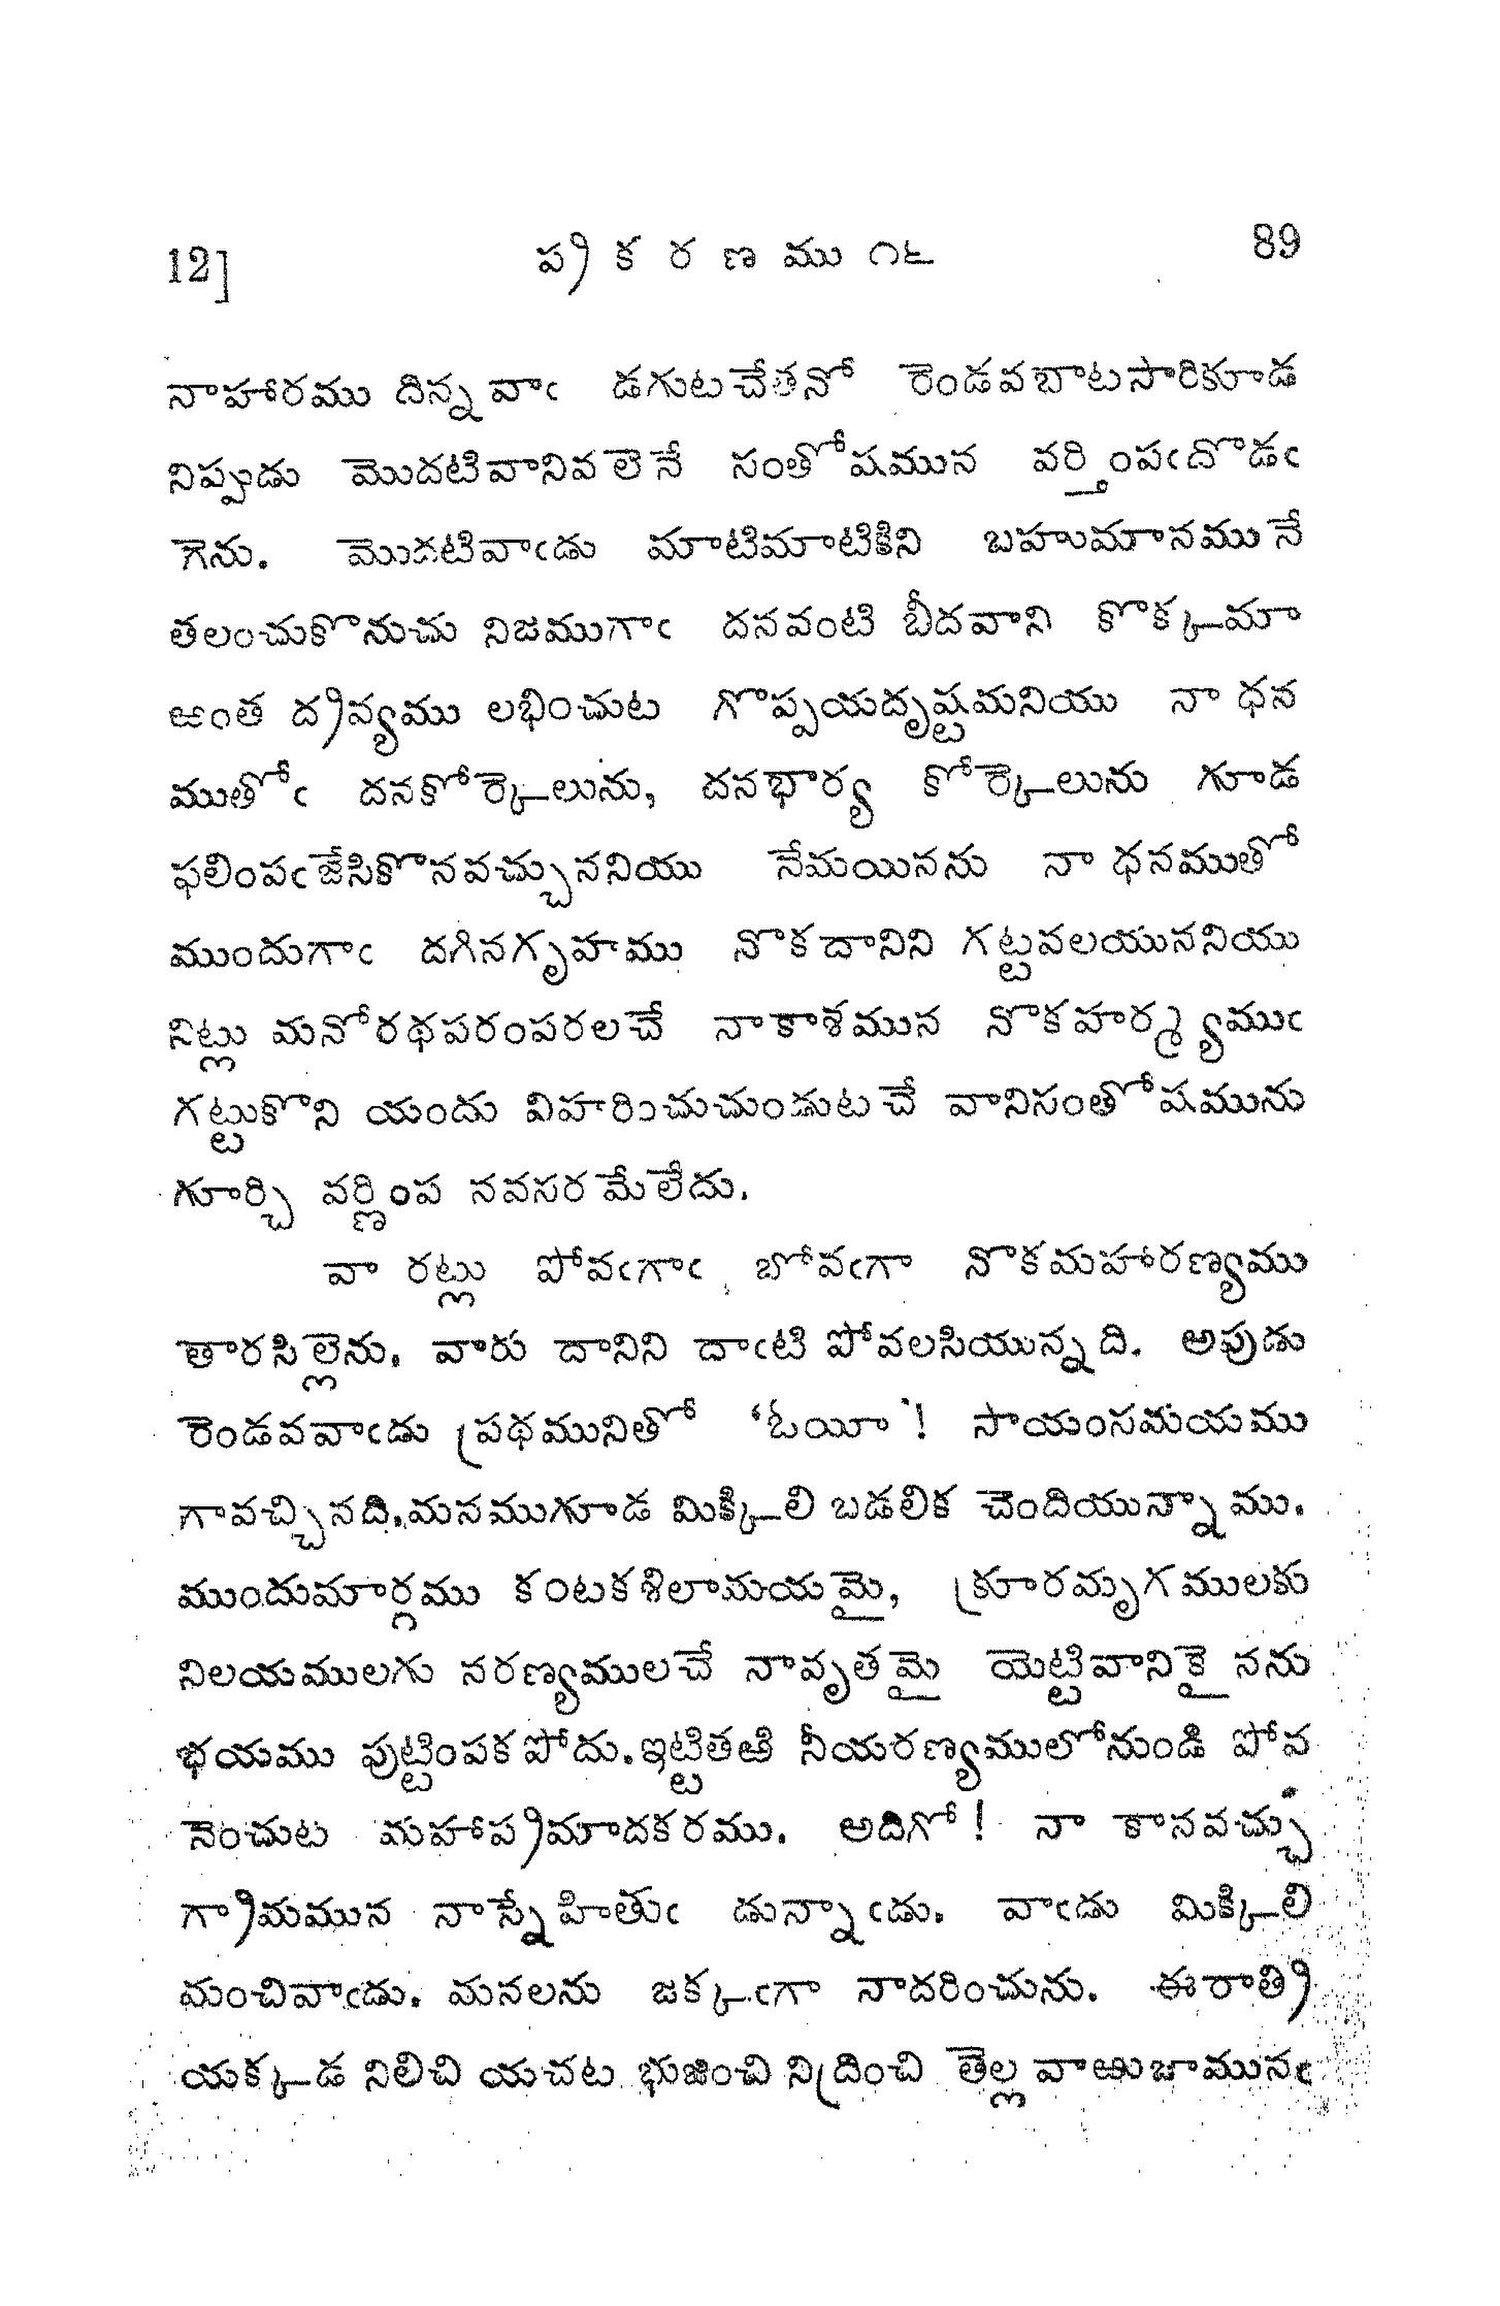నాహారము దిన్నవాడగుట చేతనో రెండవ బాటసారికూడ నిప్పుడు మొదటివానివ లెనే సంతోషమున వరింపఁదొడఁ గెను. మొదటివాఁడు మాటిమాటికిని బహుమానము నే తలంచుకొనుచు నిజముగాఁ దనవంటి బీదవాని కొక్క మా రింత దన్యము లభించుట గొప్ప యదృష్టమనియు నా ధన ముతోఁ దనకోర్కెలును, దన భార్య కోర్కెలును గూడ ఫలింపఁ జేసికొనవచ్చుననియు నేమయినను నా ధనముతో ముందుగాఁ దగిన గృహము నొక దానిని గట్టనలయుననియు నిట్లు మనోరథపరంపరలచే నాకాశమున నొక హర్మ్యముఁ గట్టుకొని యందు విహరించుచుండుట చే వాని సంతోషమును గూర్చి వర్ణింప నవసర మే లేదు.

వా రట్లు పోవఁగాఁ బోవఁగా నొకమహారణ్యము తారసిల్లెను. వారు దానిని దాఁటి పోవలసియున్నది. అపుడు రెండవవాఁడు ప్రథమునితో 'ఓయీ '! సాయంసమయము గావచ్చినది,మనముగూడ మిక్కిలి బడలిక చెందియున్నాము. ముందు మార్గము కంటక శిలామయమై, క్రూరమృగములకు నిలయములగు నరణ్యములచే నావృతమై యెట్టివానికై నను భయము పుట్టింపక పోదు. ఇట్టితతి నీయరణ్యములోనుండి పోవ నెంచుట మహా ప్రమాదకరము. అదిగో! నా కానవచ్చు గ్రామమున - నా స్నేహితుఁ డున్నాఁడు. వాడు మిక్కిలి మంచివాడు. మనలను జక్కఁగా నాదరించును. ఈ రాత్రి యక్కడ నిలిచి యచట భుజించి నిద్రించి తెల్ల వాజు జామున